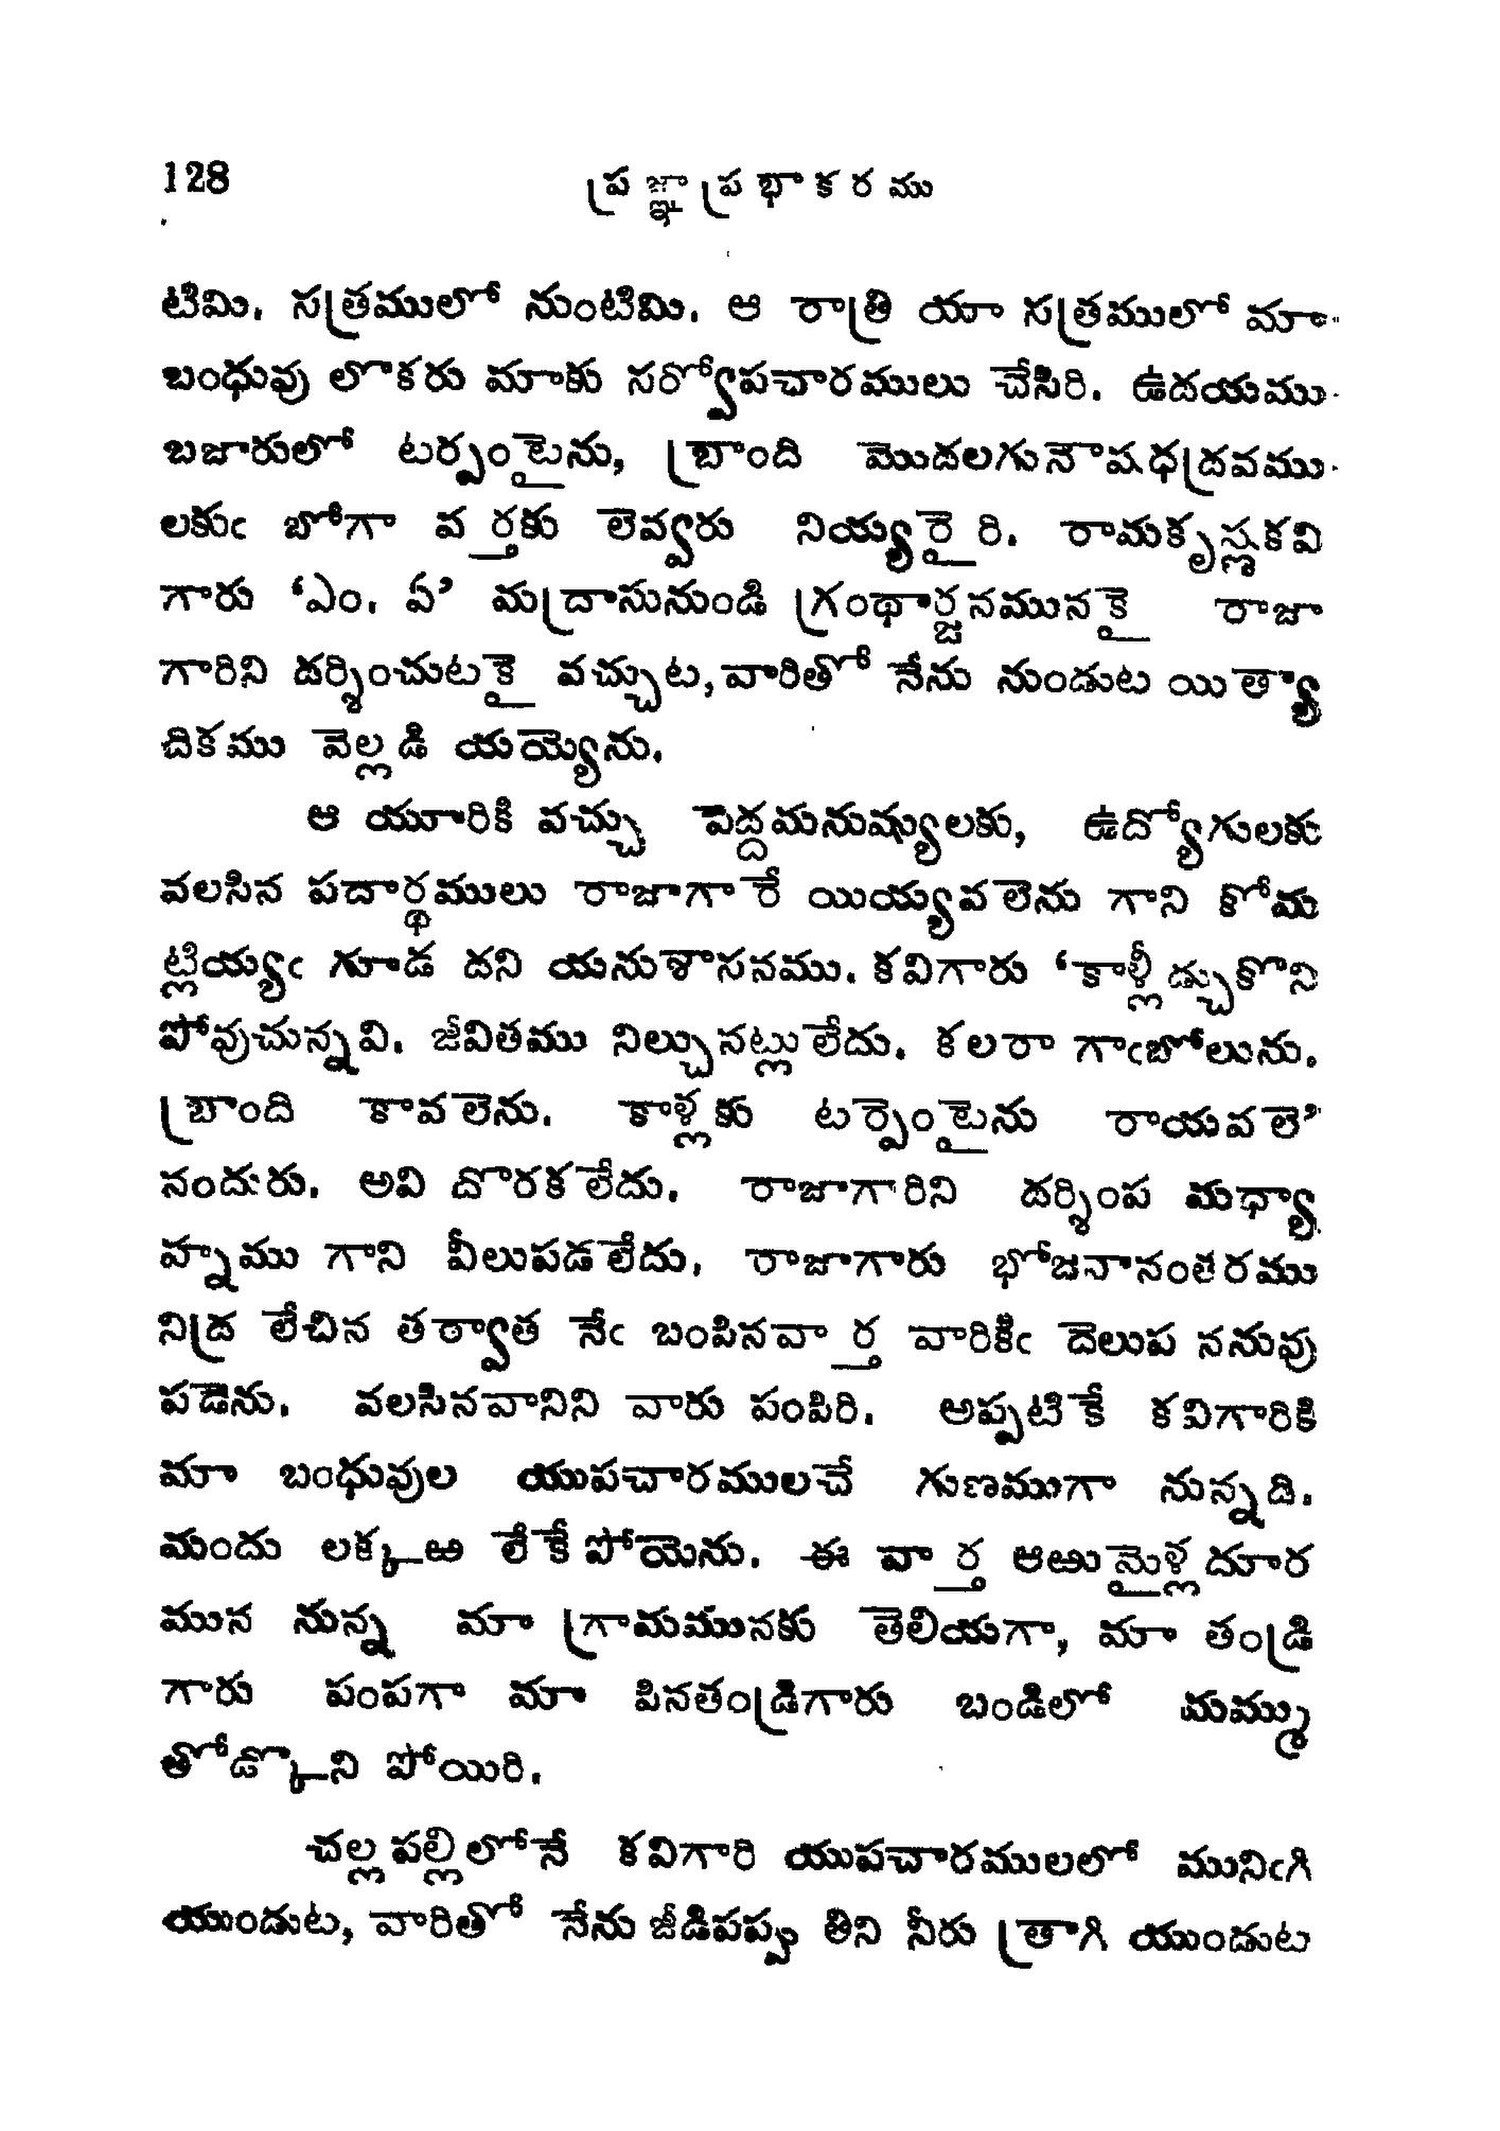టిమి. సత్రములో నుంటిమి. ఆ రాత్రి యా సత్రములో మా బంధువు లొకరు మాకు సర్వోపచారములు చేసిరి. ఉదయము బజారులో టర్పంటైను, బ్రాంది మొదలగు నౌషధద్రవములకుఁ బోగా వర్తకు లెవ్వరు నియ్యరైరి. రామకృష్ణ కవిగారు 'ఎం.ఏ 'మద్రాసు నుండి గ్రంధార్జనమునకై రాజా గారిని దర్శించుటకై వచ్చుట, వారితో నేను నుండుట యిత్యాదికము వెల్లడి యయ్యెను.

 ఆ యూరికి వచ్చు పెద్దమనుష్యులకు, ఉద్యోగులకు వలసిన పదార్దములు రాజాగారే యియ్యవలెను గాని కోమట్లియ్య గూడ దని యను శాసనము. కవిగారు 'కాళ్ళిడ్చు కొని పోవుచున్నవి. జీవితము నిల్చునట్లు లేదు. కలరా గాఁ బోలును. బ్రాంది కావలెను, కాళ్ళకు టర్పెంటైను రాయ వలె'నందురు. అవి దొరక లేదు. రాజాగారిని దర్శింప మధ్యాహ్నము గాని వీలుపడలేదు. రాజాగారు భోజనా నంతరము నిద్ర లేచిన తర్వతా నేఁ బంపిన వార్త వారికిఁ దెలుపు ననువుపడెను. వలసినవానిని వారు పంపిరి. అప్పటికే కవిగారికి మా బంధువుల యుప చారములచే గుణముగా నున్నది. మందు లక్కఱ లేకేపోయెను. ఈ వార్త ఆఱు మైళ్ళ దూరమున నున్న మాగ్రామమునకు తెలియగా, మా తండ్రిగారు పంపగా మా పినతండ్రిగారు బండిలో మమ్ము తోడ్కొనిపోయిరి. 

చల్లపల్లిలో నే కవిగారి యుపచారములలో మునిఁగి యుండుట, వారితో నేను జీడిపప్పు తిని నీరు త్రాగియుండుట